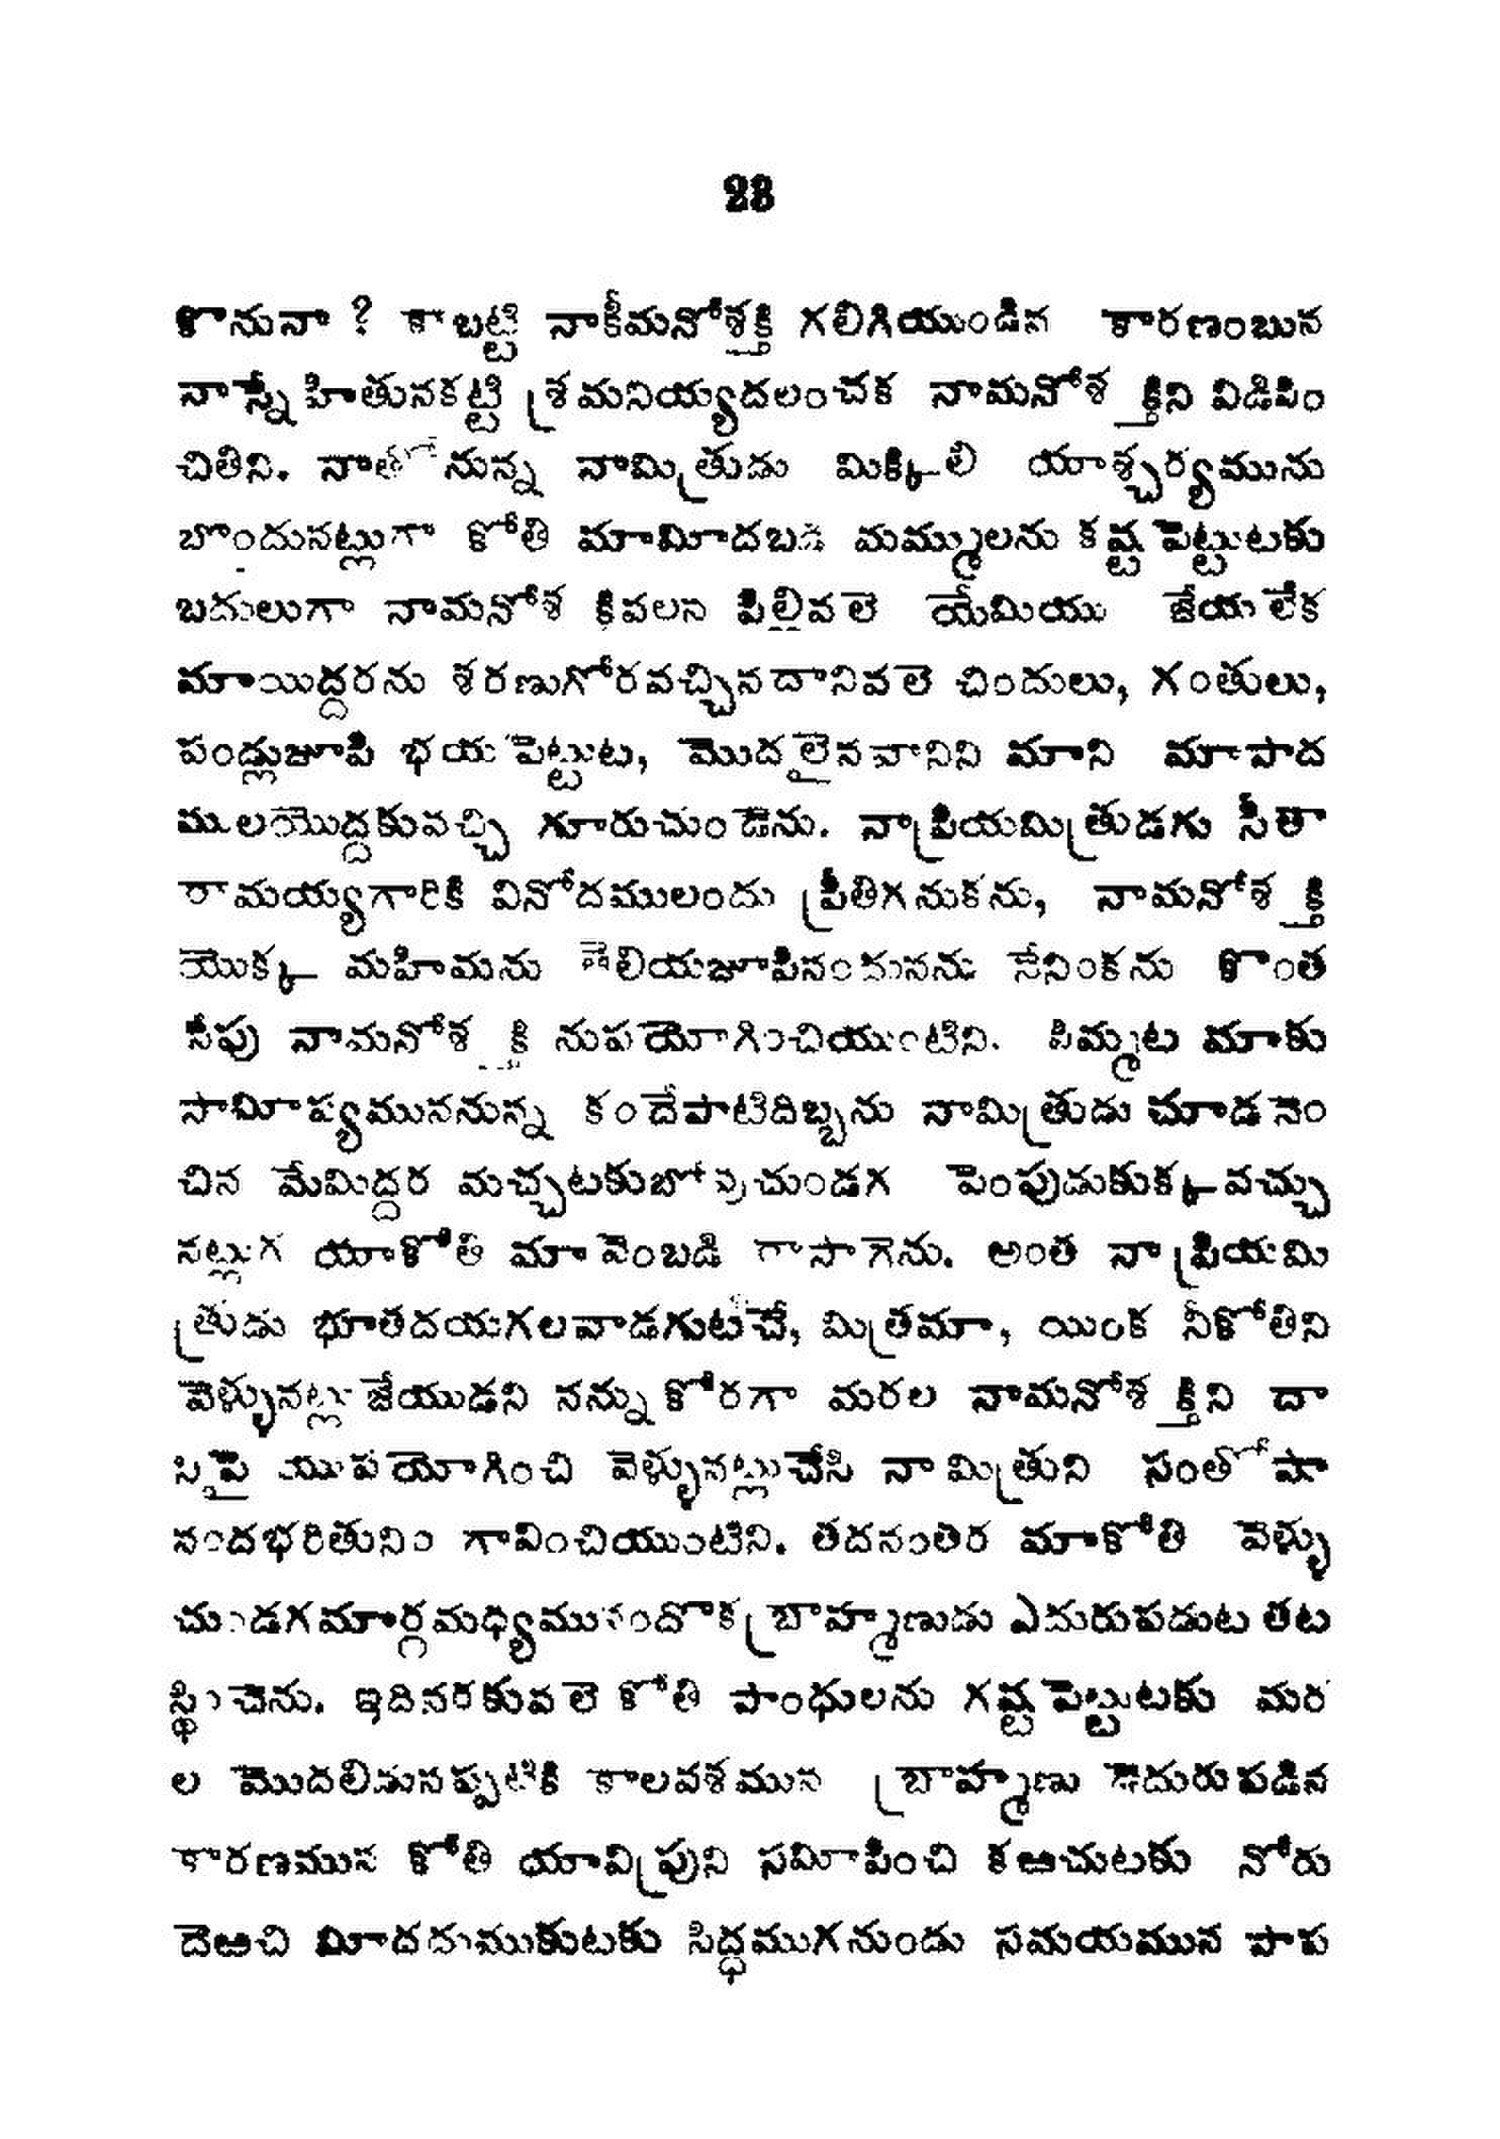కొనునా? కాబట్టి నాకీమనోశక్తి గలిగియుండిన కారణంబున నాస్నేహితునకట్టి శ్రమనియ్యదలంచక నామనోశక్తిని విడిపించితిని. నాతోనున్న నామిత్రుడు మిక్కిలి యాశ్చర్యమును బొందునట్లుగా కోతి మామీదబడి మమ్ములను కష్టపెట్టుటకు బదులుగా నామనోశక్తివలన పిల్లివలె యేమియు జేయలేక
మాయిద్దరను శరణుగోరవచ్చినదానివలె చిందులు, గంతులు, పండ్లుజూపి భయపెట్టుట, మొదలైన వానిని మాని మాపాదములయొద్దకువచ్చి గూరుచుండెను. నాప్రియమిత్రుడగు సీతారామయ్యగారికి వినోదములందు ప్రీతిగనుకను, నామనోశక్తి యొక్క మహిమను తెలియజూపినందునను నేనింకను కొంతసేపు నామనోశక్తి నుపయోగించియుంటిని. పిమ్మట మాకు సామీప్యముననున్న కందేపాటిదిబ్బను నామిత్రుడు చూడనెంచిన మేమిద్దర మచ్చటకుబోవుచుండగ పెంపుడుకుక్కవచ్చు
నట్లుగ యకోతి మావెంబడి రాసాగెను. అంత నాప్రియమిత్రుడు భూతదయగలవాడగుటచే, మిత్రమా, యింక నీకోతిని వెళ్ళునట్లు జేయుడని నన్ను కోరగా మరల నామనోశక్తిని దానిపై యుపయోగించి వెళ్ళునట్లుచేసి నా మిత్రుని సంతోషానందభరితునిం గావించియుంటిని. తదనంతర మాకోతి వెళ్ళు చుండగమార్గమధ్యమునందొక బ్రాహ్మణుడు ఎదురుపడుట తటస్థించెను. ఇదివరకువలె కోతి పొంధులను గష్టపెట్టుటకు మరల మొదలిడునప్పటికి కాలవశమున బ్రాహ్మణు
డెదురుపడిన కారణమున కోతి యావిప్రుని సమీపించి కుచుటకు నోరు దెఱచి మీదదుముకుటకు సిద్ధముగనుండు సమయమున పాప